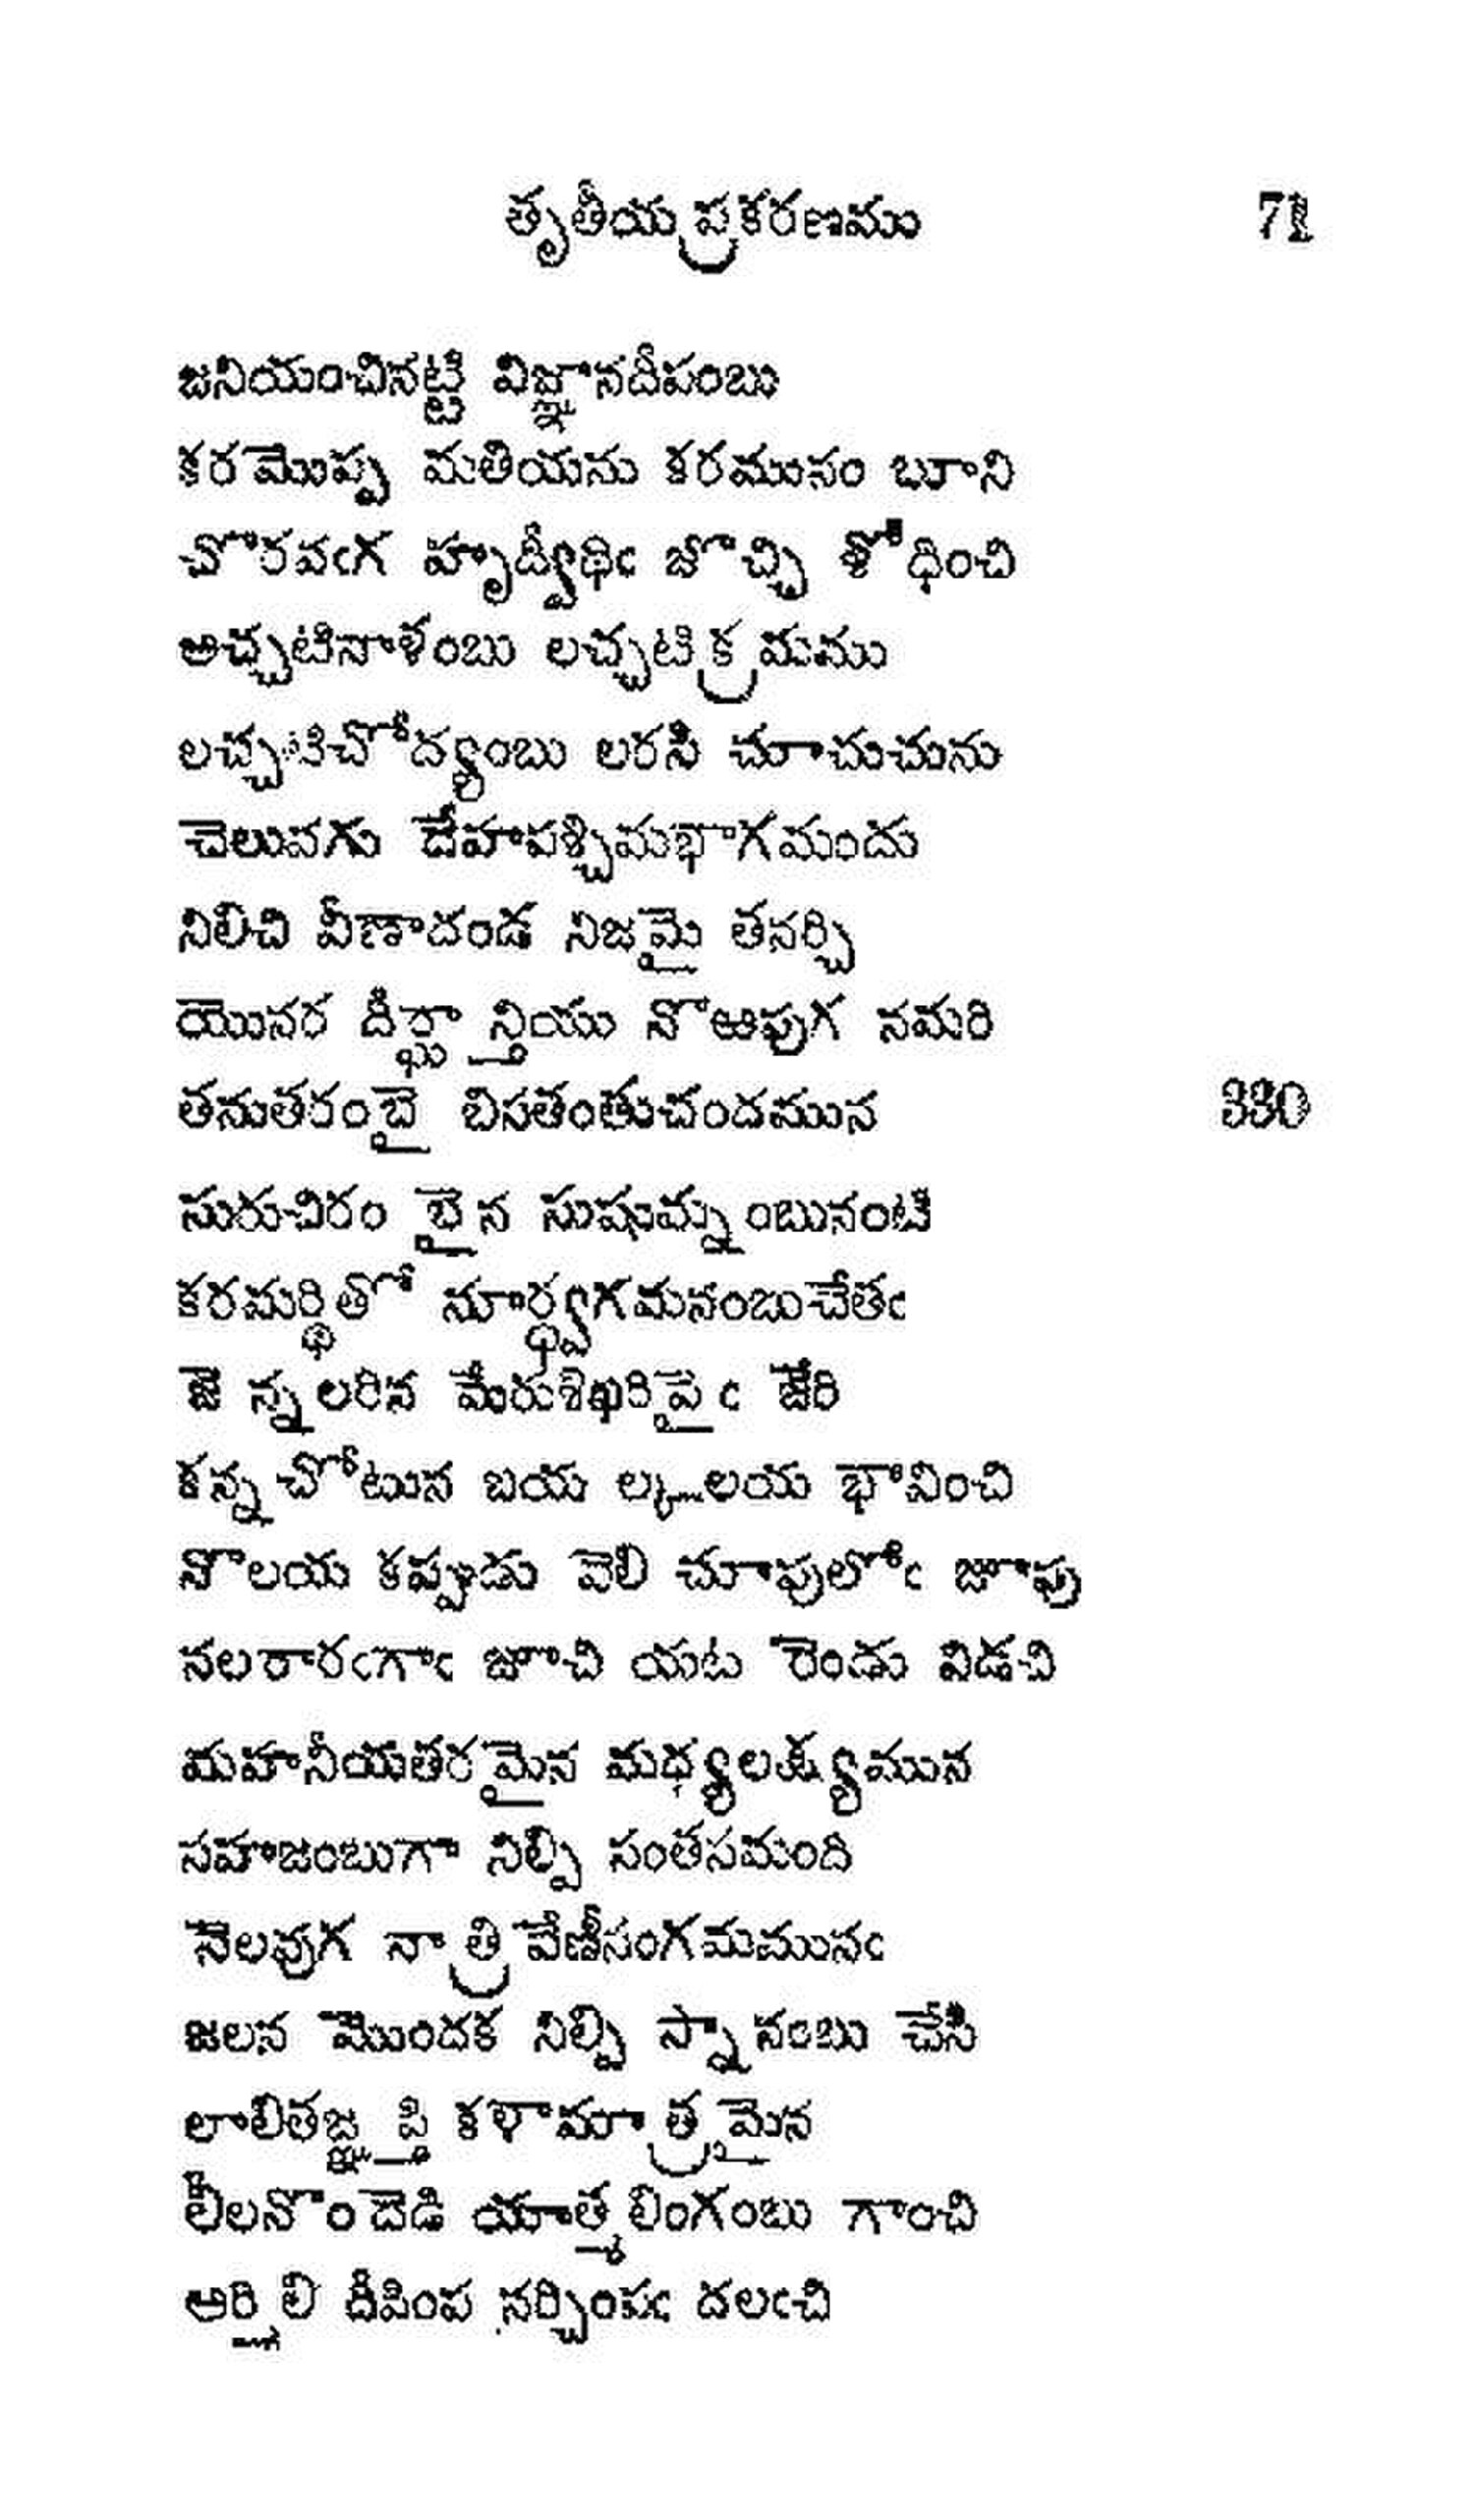జనియంచినట్టి విజ్ఞానదీపంబు
కరమొప్ప మతియను కరమునం బూని
చొరవఁగ హృద్వీథిఁ జొచ్చి శోధించి
అచ్చటినాళంబు లచ్చటిక్రమము
లచ్చటిచోద్యంబు లరసి చూచుచును
చెలువగు దేహపశ్చిమభాగమందు
నిలిచి వీణాదండ నిజమై తనర్చి
యొనర దీర్ఘాన్తియు నొఱపుగ నమరి
తనుతరంబై బిసతంతుచందమున
సురుచిరం బైన సుషుమ్నంబునంటి
కరమర్థితో నూర్ధ్వగమనంబు చేతఁ
జె న్నలరిన మేరుశిఖరిపైఁ జేరి
కన్నచోటున బయ ల్కలయ భావించి
నొలయ కప్పుడు వెలి చూపులోఁ జూపు
నలరారఁగాఁ జూచి యట రెండు విడచి
మహనీయతరమైన మధ్యలక్ష్యమున
సహజంబుగా నిల్పి సంతసమంది
నెలవుగ నాత్రివేణీసంగమమునఁ
జలన మొందక నిల్పి స్నానంబు చేసి
లాలితజ్ఞప్తి కళామాత్రమైన
లీలనొందెడి యాత్మలింగంబు గాంచి
అర్మిలి దీపింప నర్చింపఁ దలఁచి